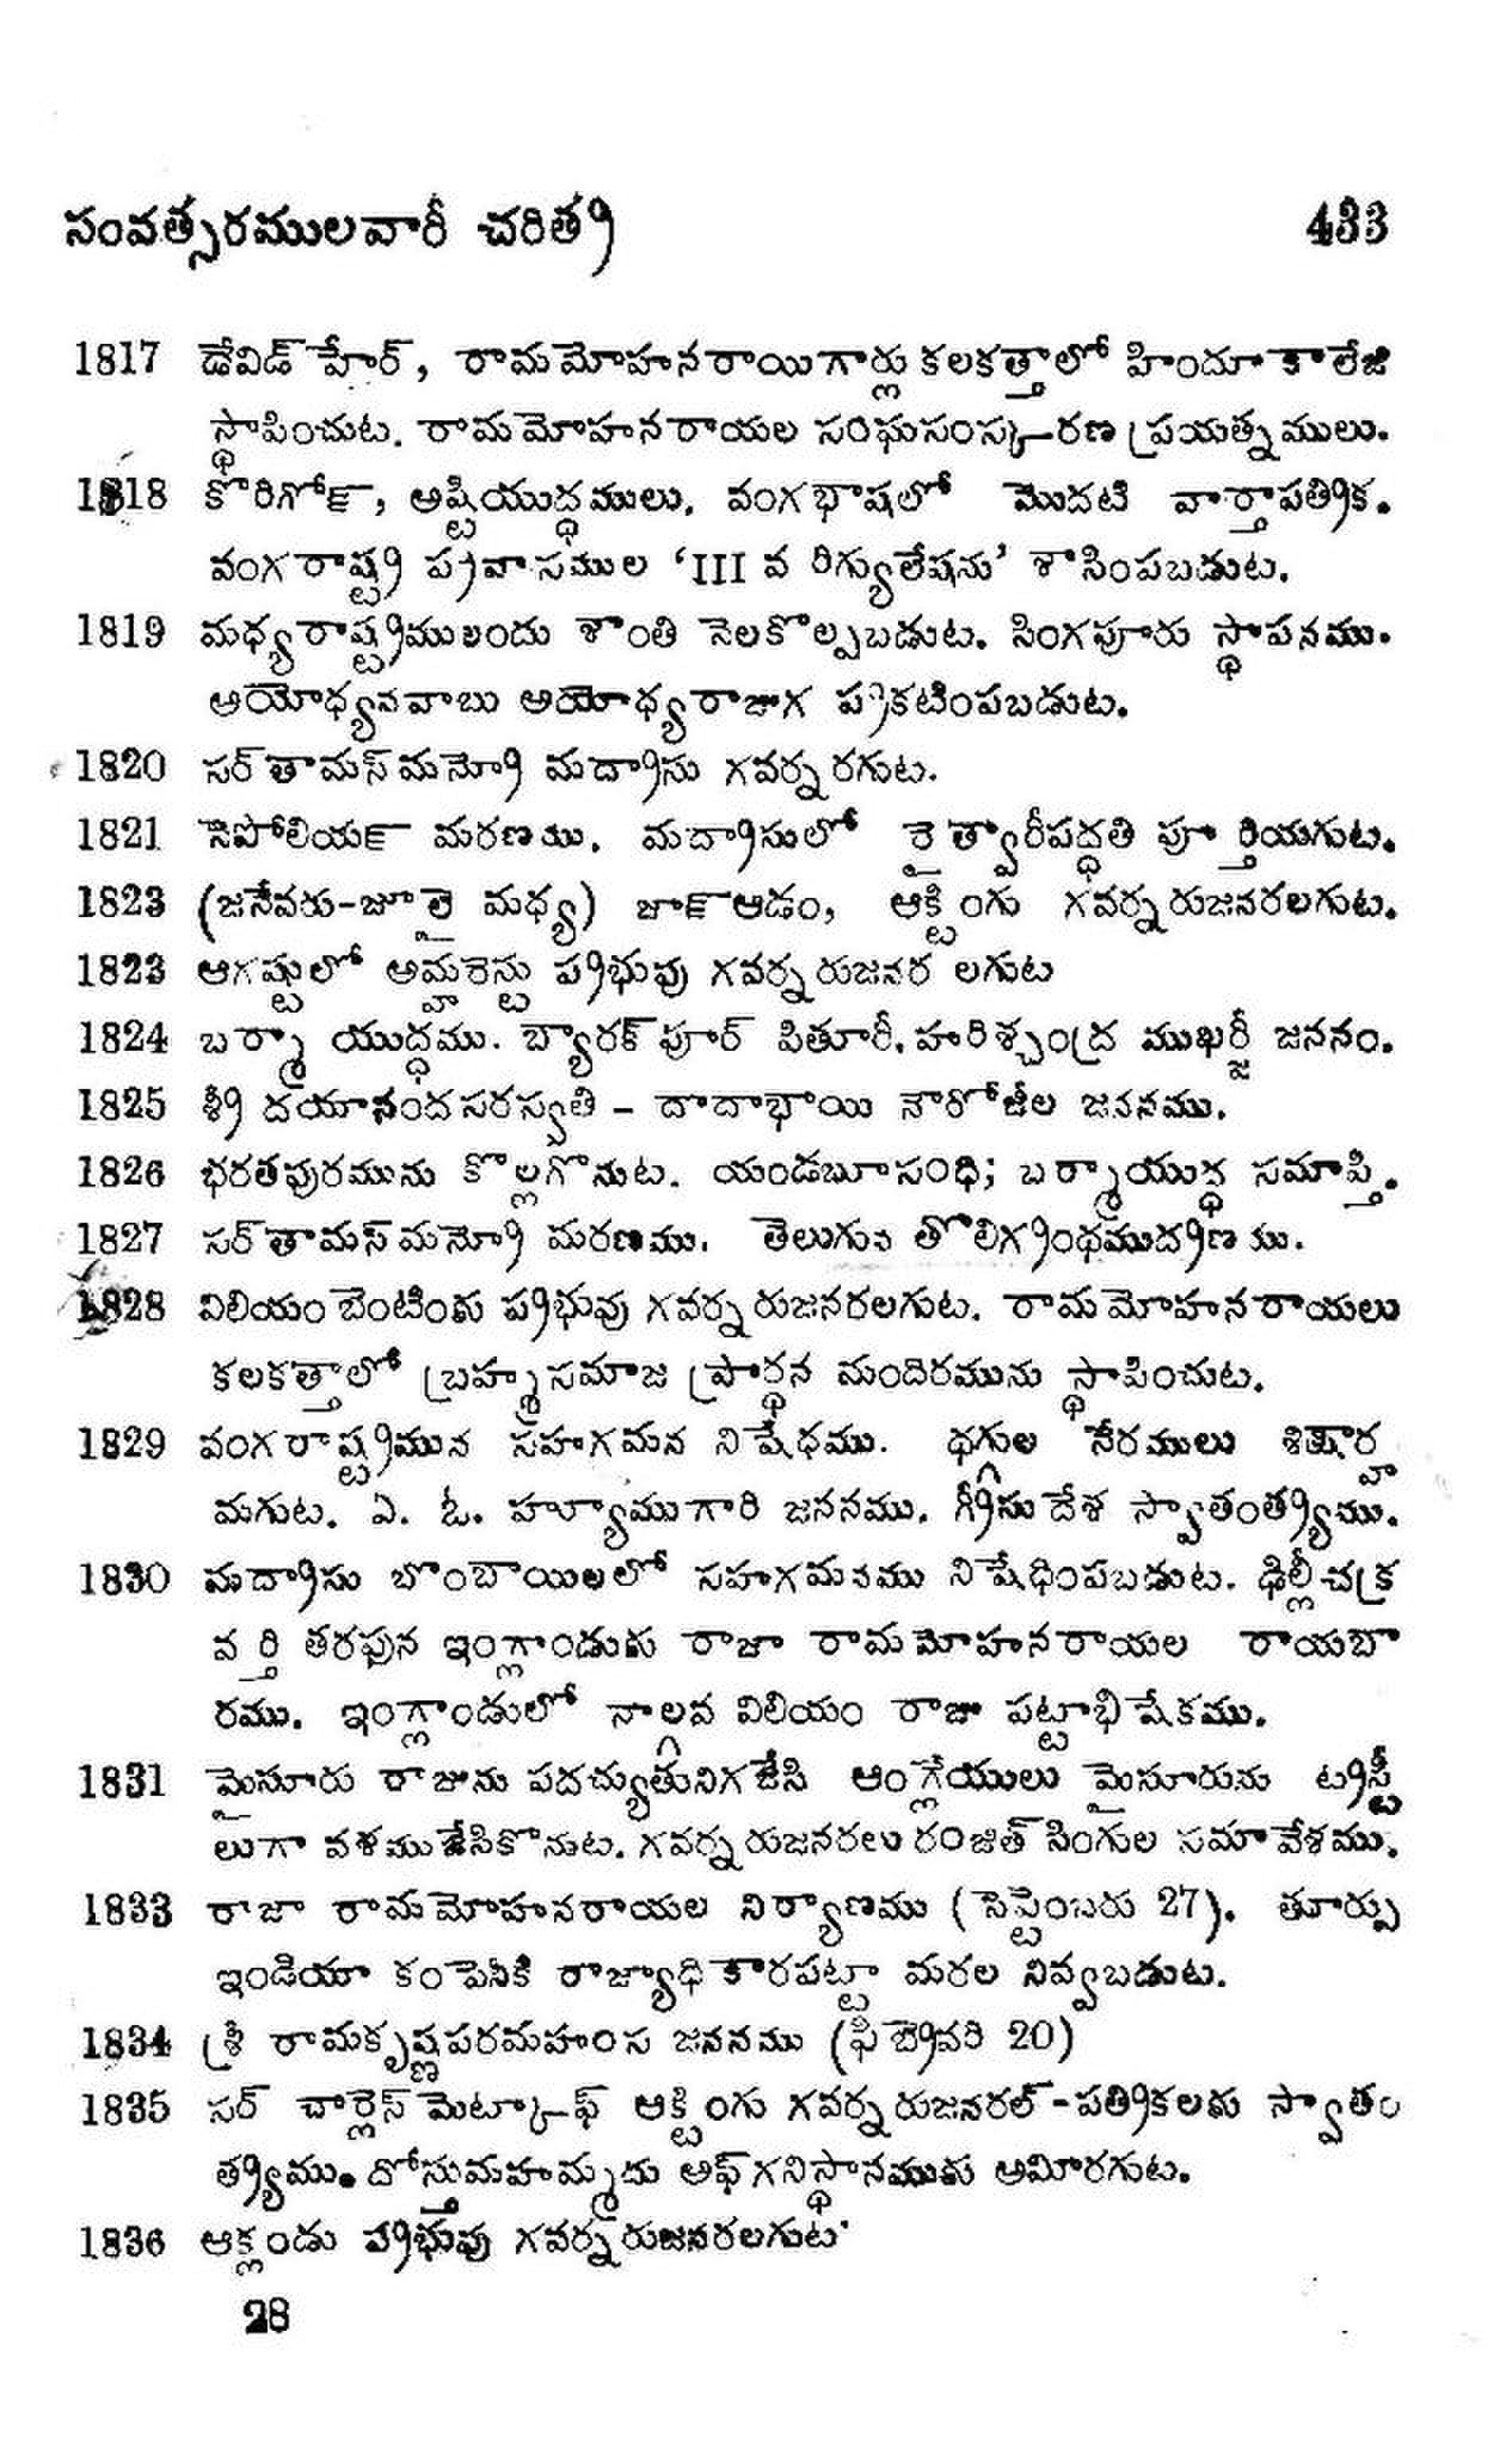1817 డేవిడ్‌హేర్, రామమోహనరాయిగార్లు కలకత్తాలో హిందూకాలేజి స్థాపించుట. రామమోహనరాయల సంఘసంస్కరణ ప్రయత్నములు. 

1818 కొరిగో౯, అష్టియుద్ధములు, వంగభాషలో మొదటి వార్తాపత్రిక. వంగరాష్ట్ర ప్రవాసముల 'III వ రిగ్యులేషను' శాసింపబడుట. 

1819 మధ్య రాష్ట్రములందు శాంతి నెలకొల్పబడుట. సింగపూరు స్థాపనము. అయోధ్యనవాబు అయోధ్యరాజుగ ప్రకటింపబడుట. 

1820 సర్ తామస్ మన్రో మద్రాసు గవర్నరగుట. 

1821 నెపోలియ౯ మరణము. మద్రాసులో రైత్వారీపద్ధతి పూర్తియగుట. 

1823 (జనేవరు-జూలై మధ్య) జా౯ ఆడం, ఆక్టింగు గవర్నరుజనరలగుట. 

1823 ఆగష్టులో అమ్హరెస్టు ప్రభువు గవర్నరుజనరలగుట 

1824 బర్మా యుద్ధము. బ్యారక్‌పూర్ పితూరీ. హరిశ్చంద్ర ముఖర్జీ జననం. 

1825 శ్రీ దయానందసరస్వతి - దాదాభాయి నౌరోజీల జననము. 

1826 భరతపురమును కొల్లగొనుట. యండబూ సంధి; బర్మాయుద్ధ సమాప్తి. 

1827 సర్ తామస్ మన్రో మరణము. తెలుగున తొలిగ్రంథముద్రణము. 

1828 విలియం బెంటింకు ప్రభువు గవర్నరుజనరలగుట. రామమోహనరాయలు కలకత్తాలో బ్రహ్మసమాజ ప్రార్ధన మందిరమును స్థాపించుట. 

1829 వంగరాష్ట్రమున సహగమన నిషేధము. థగ్గుల నేరములు శిక్షార్హమగుట. ఏ. ఓ. హ్యూముగారి జననము. గ్రీసుదేశ స్వాతంత్ర్యము. 

1830 మద్రాసు బొంబాయిలలో సహగమనము నిషేధింపబడుట. ఢిల్లీ చక్రవర్తి తరఫున ఇంగ్లాండుకు రాజా రామమోహనరాయల రాయబారము. ఇంగ్లాండులో నాల్గవ విలియం రాజు పట్టాభిషేకము.

1831 మైసూరు రాజును పదచ్యుతునిగజేసి ఆంగ్లేయులు మైసూరును ట్రస్టీలుగా వశముజేసికొనుట. గవర్నరుజనరలు రంజత్ సింగుల సమావేశము. 

1833 రాజా రామమోహనరాయల నిర్యాణము ( సెప్టెంబరు 27). తూర్పుఇండియా కంపెనీకి రాజ్యధికారపట్టా మరల నివ్వబడుట. 

1834 శ్రీ రామకృష్ణపరమహంస జననము (ఫిబ్రవరి 20) 

1835 సర్ చార్లెస్ మెట్కాఫ్ ఆక్టింగు గవర్నరుజనరల్ - పత్రికలకు స్వాతంత్ర్యము. దోస్తుమహమ్మదు అఫ్‌గనిస్థానముకు అమీరగుట. 

1836 ఆక్లండు ప్రభువు గవర్నరుజనరలగుట.